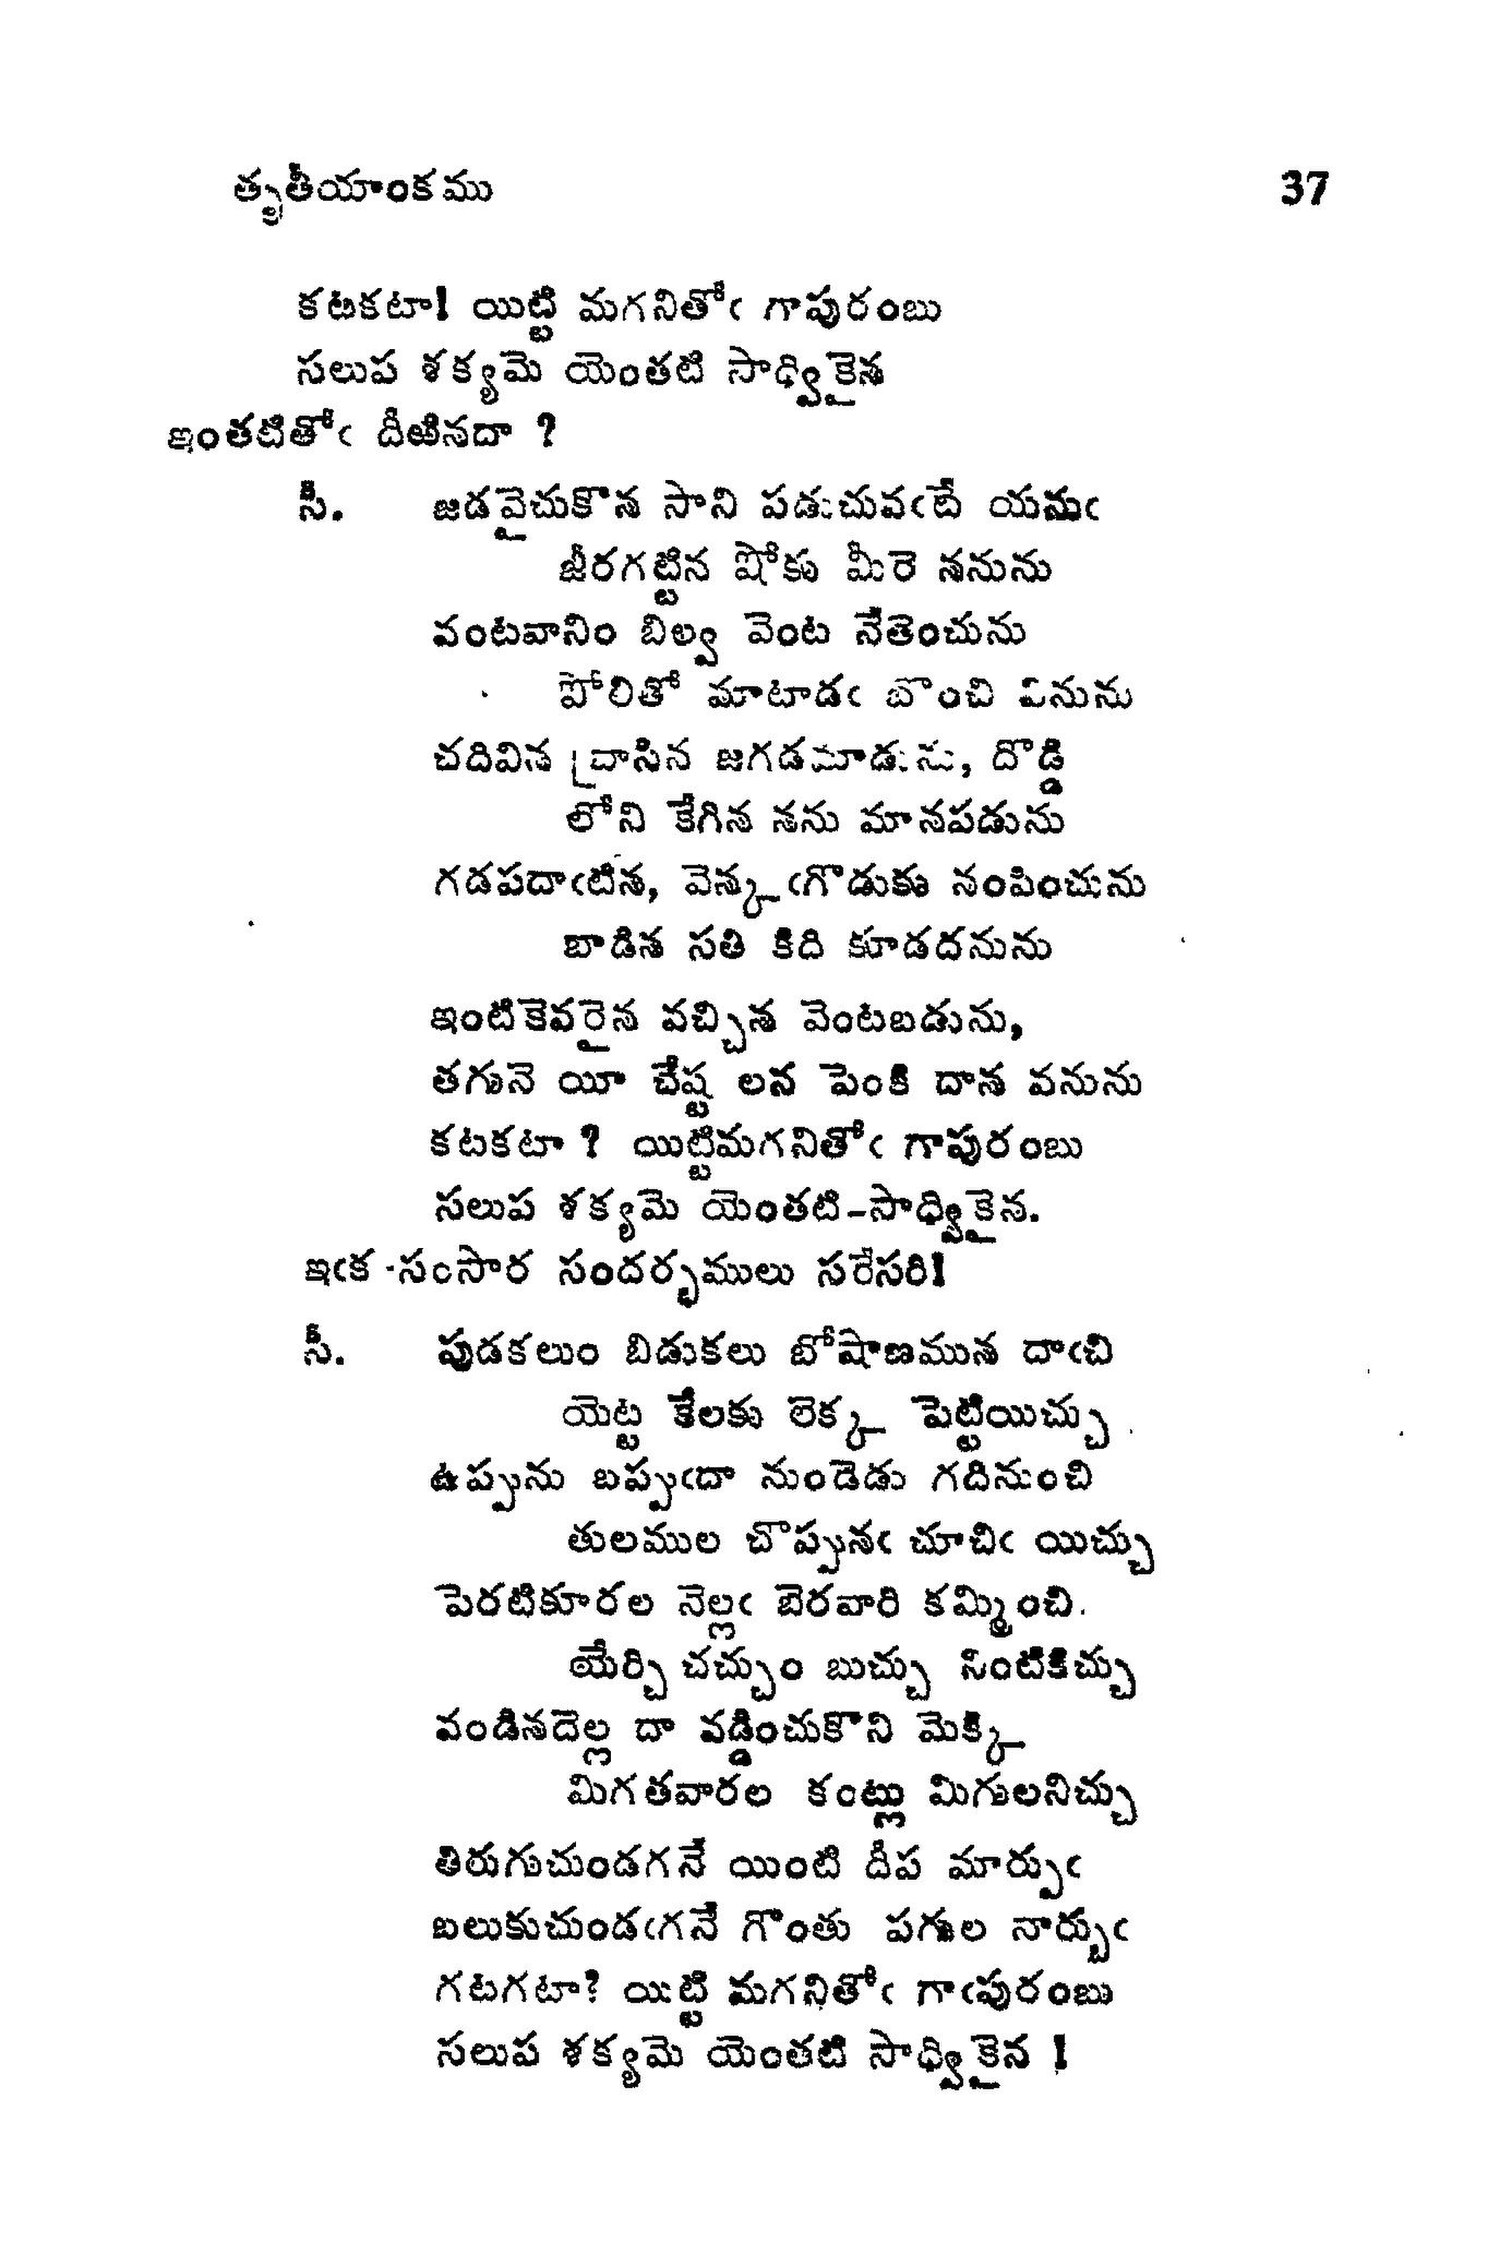కటకటా! యిట్టి మగనితోఁ గాపురంబు
 సలుప శక్యమె యెంతటి సాధ్వికైన?

ఇంతటితోఁ దీఱినదా?

సీ. జడవైచుకొన సాని పడుచువఁటే యమఁ
 జీరగట్టిన షోకు మీరె ననును
 వంటవానిం బిల్వ వెంట నేతెంచును
 పోలితో మాటాడఁ బొంచి వినును
 చదివిన వ్రాసిన జగడమాడును, దొడ్డి
 లోని కేగిన నను మానపడును
 గడపదాఁటిన, వెన్కఁగొడుకు నంపించును
 బాడిన సతి కిది కూడదనును

 ఇంటికెవరైన వచ్చిన వెంటబడును,
 తగునె యీ చేష్ట లన పెంకి దాన వనును
 కటకటా! యిట్టిమగనితోఁ గాపురంబు
 సలుప శక్యమె యెంతటి సాధ్వికైన?

ఇఁక సంసార సందర్భములు సరేసరి!

సీ. పుడకలుం బిడుకలు బోషాణమున దాఁచి
 యెట్ట కేలకు లెక్క పెట్టియిచ్చు
 ఉప్పును బప్పుఁదా నుండెడు గదినుంచి
 తులముల చొప్పునఁ చూచిఁ యిచ్చు
 పెరటికూరల నెల్లఁ బెరవారి కమ్మించి
 యేర్చి చచ్చుం బుచ్చు నింటికిచ్చు
 వండినదెల్లఁ దా వడ్డించుకొని మెక్కి
 మిగతవారల కంట్లు - మిగులనిచ్చు

 తిరుగుచుండగనే యింటి దీప మార్చుఁ
 బలుకుచుండఁగనే గొంతు పగుల నార్చుఁ
 గటగటా? యిట్టి మగనితోఁ గాఁపురంబు
 సలుప శక్యమె యెంతటి సాధ్వికైన!